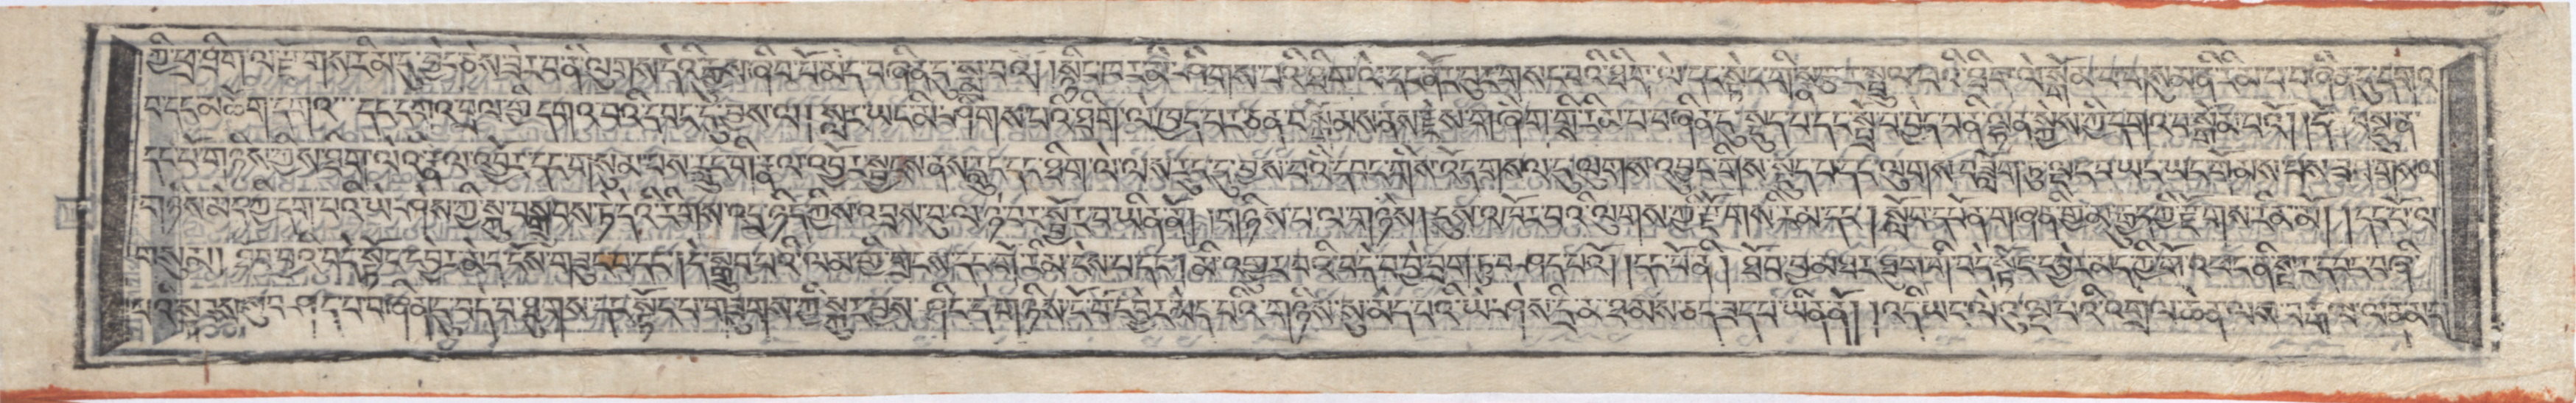ཀྱི་ཕྲ་ཐིག་ལ་རྫོགས་རིམ་དུ་བྱེད་ཅེས་ཟེར་བ་ནི་ལུགས་དེའི་རྒྱུས་ཞིབ་པོ་མེད་བཞིན་དུ་སྨྲ་བའོ། །སྙིང་ཁར་མི་ཤིགས་པའི་ཐིག་ལེ་དང་ནོར་བུར་གསང་བའི་ཐིག་ལེ་དང་སྟེང་གི་སྣ་རྩར་སྤྲུལ་པའི་ཐིག་ལེ་སྒོམ་པ་གསུམ་ནི་རིམ་པ་བཞིན་དུ་དགའ་
བ་དང་མཆོག་དགའ་དང་དགའ་བྲལ་གྱི་དགའ་བའི་དབང་དུ་བྱས་ལ། སླར་ཡང་མི་ཤིགས་པའི་ཐིག་ལེ་ཁྱད་པར་ཅན་བསྒོམས་ནས་རྗེས་གཞིག་གིས་རིམ་པ་བཞིན་དུ་སྡུད་པ་དང་སྤྲོ་བ་བྱེད་པ་ནི་ལྷན་སྐྱེས་ཀྱི་དགའ་བ་སྒོམ་པའོ། །དོན་བསྡུ་ན་
དང་པོ་གཉིས་ཀྱིས་ཐིག་ལེའི་རྣལ་འབྱོར་དང་གསུམ་པས་རླུང་གི་རྣལ་འབྱོར་སྦྱངས་ནས་རླུང་དང་ཐིག་ལེ་ལས་རུང་དུ་བྱས་པའི་དབང་གིས་འོད་གསལ་དུ་ལུགས་འབྱུང་གིས་སྡུད་པ་དང་ལུགས་བཟློག་ཏུ་ལྡང་བ་ཡང་ཡང་གོམས་པས་ཟབ་གསལ་
གཉིས་མེད་ཀྱི་དག་པའི་ཡེ་ཤེས་ཀྱི་སྐུ་བསྒྲུབས་ཏེ་དེའི་རིགས་འདྲ་ཉིད་ཀྱིས་འབྲས་བུ་ལ་ཉེ་བར་སྦྱོར་བ་ཡིན་ནོ། །གཉིས་པ་ལ་གཉིས། དུས་འཁོར་བའི་ལུགས་ཀྱི་རྫོགས་རིམ་དང་། སློབ་དཔོན་གཞན་གྱི་མ་རྒྱུད་ཀྱི་རྫོགས་རིམ་མོ། །དང་པོ་ལ་
གསུམ། ཐོབ་བྱའི་བདེ་སྟོང་དབྱེར་མེད་ངོས་གཟུང་བ་དང་། དེ་སྒྲུབ་པའི་ལམ་གྱི་གྲངས་དང་གོ་རིམ་ངེས་པ་དང་། མི་འགྱུར་བའི་བདེ་བ་བྱེ་བྲག་ཏུ་བཤད་པའོ། །དང་པོ་ནི། ཐོབ་བྱ་མཐར་ཐུག་གི་བདེ་སྟོང་དབྱེར་མེད་ཀྱི་གོ་འཕང་ནི་སྔར་དབང་བཞི་
པའི་སྐབས་སུ་བཤད་པ་བཞིན་དུ་བདེ་བ་ཐུགས་དང་སྟོང་པ་གཟུགས་ཀྱི་སྐུར་བྱས་ཤིང་དེ་གཉིས་ངོ་བོ་དབྱེར་མེད་པའི་གཉིས་སུ་མེད་པའི་ཡེ་ཤེས་དྲི་མ་ཐམས་ཅད་ཟད་པ་ཡིན་ནོ། །འདི་ཡང་ལེའུ་ལྔ་པའི་འགྲེལ་ཆེན་ལས་བརྒལ་ལན་མེད་